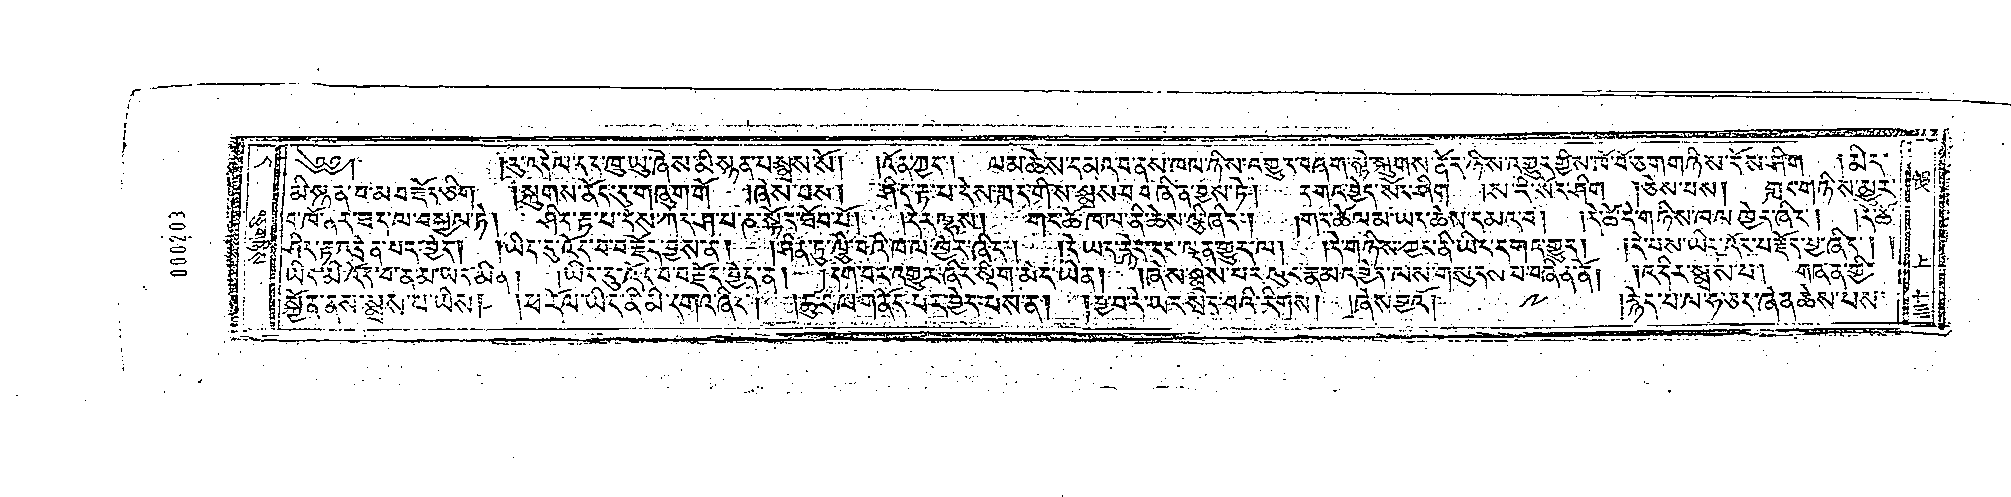༄༅། །རུ་འདེལ་དང་ཁུ་ཡུ་ཞེས་མི་སྙན་པ་སྨྲས་སོ། །འོན་ཀྱང་། ལམ་ཆེས་དམའ་བ་ནས་ཁལ་ཉིས་འགྱུར་བཞག་སྟེ་སྐུགས་ནོར་ཉིས་འགྱུར་གྱིས་ཁོ་བོ་ཅག་གཉིས་ངོས་ཤིག །མིད་
མི་སྙན་བ་མ་བརྗོད་ཅིག །སྐུགས་ནོད་དུ་གཞུག་གོ །ཞེས་པས། ཤིང་རྟ་པ་རེས་གླང་གིས་སྨྲས་པ་བཞིན་བྱས་ཏེ། དགའ་བྱེད་སོང་ཤིག །ས་རི་སོང་ཤིག །ཅེས་པས། གླང་གཉིས་མྱུར་
བ་ཁོ་ནར་ཐད་ལ་བསྐྱལ་ཏེ། ཤིང་རྟ་པ་དེས་ཀད་ཤ་པ་ཎ་སྟོང་ཐོབ་པོ། །དེར་ལྷས། གང་ཚེ་ཁལ་ནི་ཆེས་ལྕི་ཞིང་། །གང་ཚེ་ལམ་ཡང་ཆེས་དམའ་བ། །དེ་ཚེ་དེ་གཉིས་ཁལ་ཁྱེར་ཞིང་། །དེ་ཚེ་
ཤིང་རྟ་འདྲེན་པར་བྱེད། །ཡིད་དུ་འོང་བ་བརྗོད་བྱས་ན། །ཤིན་ཏུ་ལྕི་བའི་ཁལ་ཁྱེར་ཞིང་། །དེ་ཡང་རྙེད་དང་ལྡན་གྱུར་ལ། །དེ་གཉིས་ཀྱང་ནི་ཡིད་དགའ་གྱུར། །དེ་པས་ཡིད་འོང་བརྗོད་བྱ་ཞིང་། །
ཡིད་མི་འོད་བ་ནམ་ཡང་མིན། །ཡིད་དུ་འོད་བ་བརྗོད་བྱེད་ན། །དག་བར་འགྱུར་ཞིང་སྡིག་མེད་ཡིན། །ཞེས་སྨྲས་པར་ལུང་རྣམ་འབྱེད་ལས་གསུངས་པ་བཞིན་ནོ། །འདིར་སྨྲས་པ། གཞན་གྱི་
སྐྱོན་ནས་སྨྲས་པ་ཡིས། །ཕ་རོལ་ཡིད་ནི་མི་དགའ་ཞིང་། །ཚུར་ལ་གནོད་པར་བྱེད་པས་ན། །བྱ་བ་དེ་ཡང་སྤང་བའི་རིགས། །ཞེས་བྱའོ། ༧་།རྙེད་པ་ལ་ཧ་ཅང་ཞེན་ཆེས་པས་